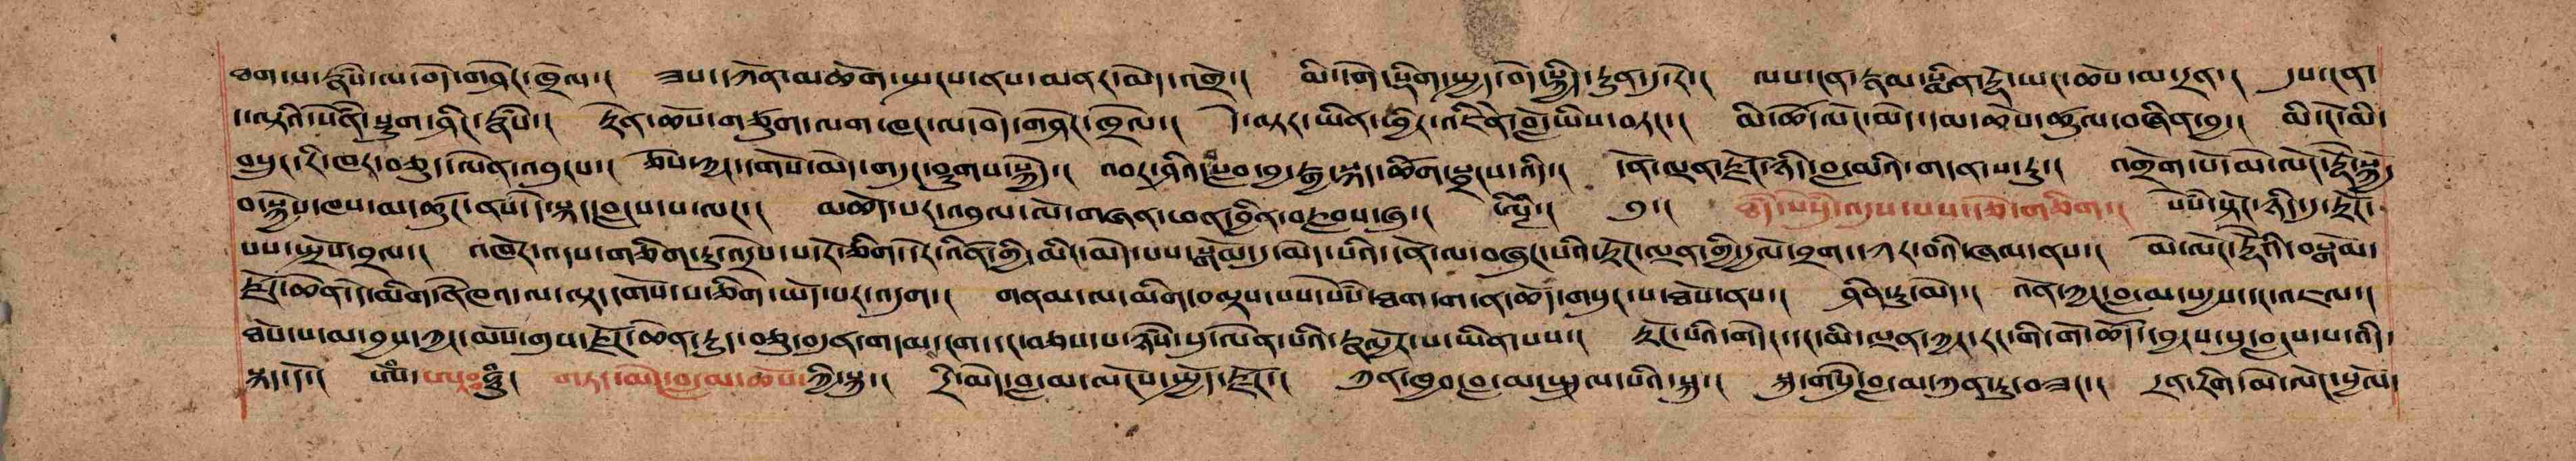ཐག་པ་རྣམས་ལ་བདེ་གཤེགས་ཁྲེལ།། ཟས་དཀོན་མཆོག་སྤངས་ནས་མནར་མེད་འགྲོ།། མི་དགེ་སྡིག་སྤྱད་བདེ་སྐྱིད་རྒྱུན་དུ་རེ།། ལས་ངན་རྣམ་སྨིན་རྡོ་ཡང་ཆོ་སམ་དྲན།། དུས་ངན་
ད་ལྟའི་སེམས་ཅན་སྡུག་ཤིང་རྣམས།། རྟེན་ཆོས་གཙུག་ལག་ཁང་ལ་བདེ་གཤེགས་ཁྲེལ།། དེ་ལྟར་ཡིན་ཕྱིར་འཇིག་རྟེན་བློ་ཡིས་བཏང་།། མི་ཚེ་ལོང་མེད་དམ་ཆོས་ཚུལ་བཞིན་བྱ།། མི་ངོ་མི་
བསྲུང་རི་ཁར་བཅུད་ལེན་འབུངས།། ཅེས་ཀྱང་དགོས་མེད་གདུང་ཤུགས་སྐྱེད།། འབར་ཤའི་བསླབ་བྱ་རྒྱ་སྐད་ཚིག་སྦྲངས་འདི།། དོན་ལྡན་རྫོང་ཉིད་བླ་མའི་གདན་ས་རུ།། འགྲོག་པོ་མེ་ལོང་རྡོ་རྗེ་སྐྱོ་
བ་སྐྱེས།། ཁས་མ་ཚུགས་ནས་དེ་སྐད་བླངས་པ་ལགས།། མཆོད་པར་འབུལ་ལོ་གཞན་ཕན་བྱིན་རླབས་ཞུ།། ཨིཊི།། ༄་། ཐམས་ཅད་སེམས་སུ་འདུས་པས་རྕེ་གཅིག།། སེམས་སྟོང་ཉིད་དུ་རྟོགས་
པས་སྤྲོས་བྲལ།། འཁོར་འདས་གཅིག་ཏུ་འདྲེས་པ་རོ་ཅིག་དེར་འཛིན་གྱི་མིང་མེད་པས་སྒོམ་དུ་མེད་པའི་དོན་ལ་བཞུགས་པའི་རྟོགས་ལྡན་གྱི་རྒྱལ་པོ་བྲག་དཀར་བའི་ཞལ་ནས།། མེ་ལོང་རྡོ་རྗེའི་བསྒོམ་
རྫོགས་ཆེན་དེ་མིག་ནམ་མཁའ་ལ་ལྟ་དགོས་པ་ཅིག་ཡོད་པར་འདུག། གནམ་ལ་མིག་བལྟས་པས་སེམས་ཐག་ག་ན་ཆོད་གསུང་པ་ཐོས་ནས། ཤིན་ཏུ་མེད།། འོན་ཀྱང་བླ་མ་སངས་རྒྱས་དང་འཇལ།། 
ཐོས་པ་མ་བྱས་ཀྱང་མོས་གུས་རྫོགས་ཆེན་རྒྱུད་བཅུ་བདུན་གདམས་ངག་དང་བཅས་པ་ཉམས་སུ་ལེན་པའི་རྣལ་འབྱོར་པ་ཡིན་པས།། རྟོགས་པའི་གདེང་དང་མི་ལྡན་ཀྱང་རང་གི་གོ་ཆོད་དབྱངས་སུ་བླངས་པ་འདི་
སྐད་དོ།། ཨོ་ཨཱཿཧཱུཾ། གཏད་མེད་བླ་མ་ཆོས་ཀྱི་སྐུ།། དྲི་མེད་བླ་མ་ལོངས་སྤྱོད་རྫོགས།། ཀུན་ཁྱབ་བླ་མ་སྤྲུལ་པའི་སྐུ།། སྐུ་གསུམ་བླ་མ་ཀུན་ཏུ་བཟང་།། དྲན་རིག་མེ་ལོང་གསོལ་